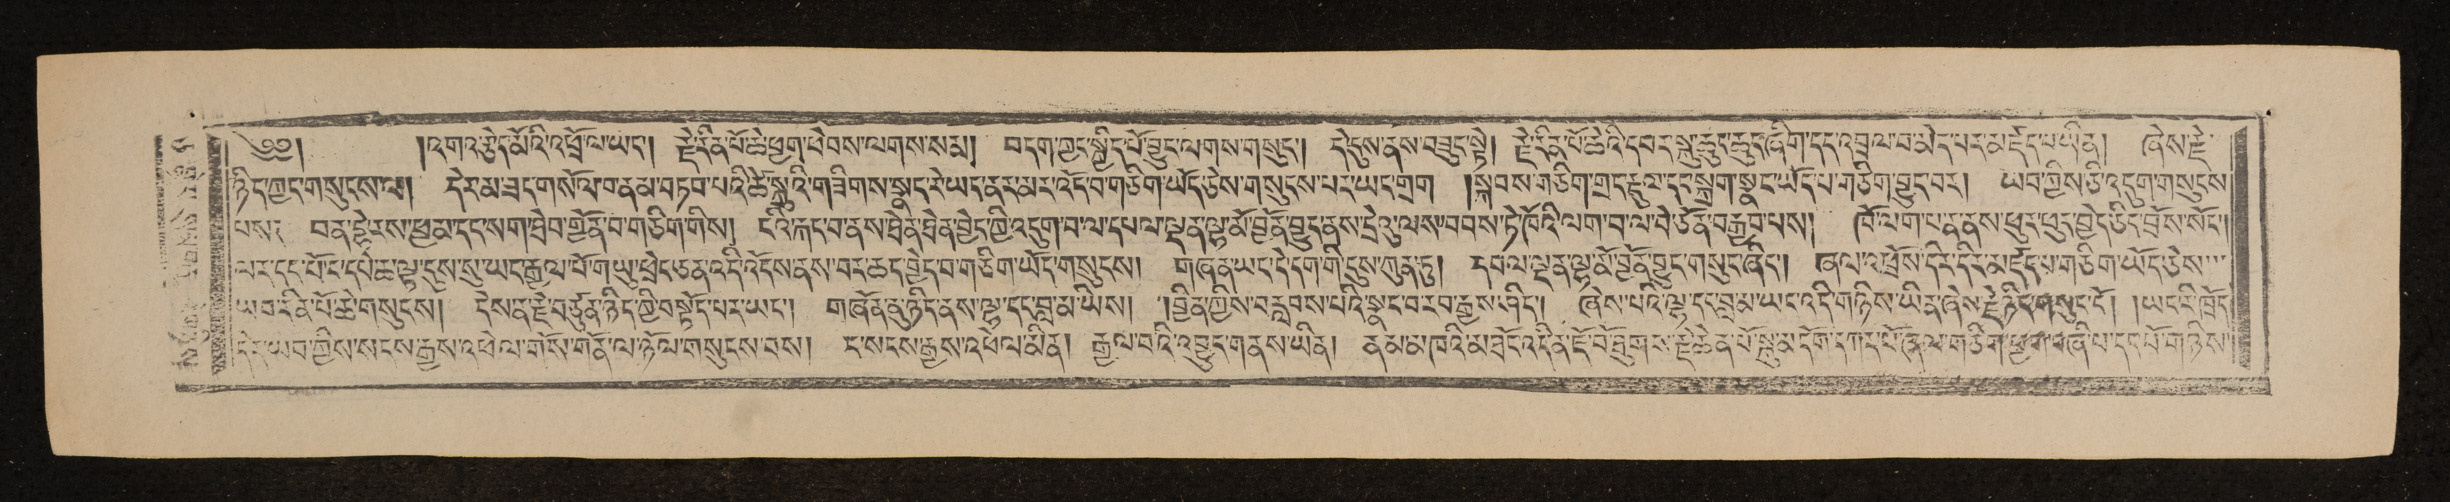༄༅། །འགའ་རྩེད་མོའི་འཕྲོ་ལ་ཡང་། རྗེ་རིན་པོ་ཆེ་ཕྱག་ཕེབས་ལགས་སམ། བདག་ཀྱང་སྐྱིད་པོ་བྱུང་ལགས་གསུང་། དེ་དུས་ནས་བཟུང་སྟེ། རྗེ་རིན་པོ་ཆེའི་དཔར་སྐུ་ཆུང་ཆུང་ཞིག་དང་འབྲལ་བ་མེད་པར་མཛད་པ་ཡིན། ཞེས་རྗེ་
ཉིད་ཀྱང་གསུངས་ལ། དེར་མ་ཟད་གསོལ་བ་ནམ་བཏབ་པའི་ཚེ་སྐུའི་གཟིགས་སྣང་རེ་ཡང་ནར་མར་འོང་བ་གཅིག་ཡོད་ཅེས་གསུངས་པར་ཡང་གྲག །སྐབས་གཅིག་གྲང་རྡུལ་དང་སྐྲག་སྣང་ཡོད་པ་གཅིག་ཌང་པར། ཡབ་ཀྱིས་ཅི་འདུག་གསུངས་
པས༑ བན་དྷེ་རས་ཕྱམ་དང་སག་ཐེབ་གྱོན་པ་གཅིག་གིས། ངའི་རྐང་པ་ནས་ཐེན་ཐེན་བྱེད་ཀྱི་འདུག་པ་ལ་དཔལ་ལྡན་ལྷ་མོ་བྱོན་བྱུང་ནས་དྲེའུ་ལས་བབས་ཏེ་ཁོའི་ལག་པ་ལ་བེ་ཅོན་བརྒྱབ་པས། ཁོ་ལག་པན་ནས་ཕུར་ཕུར་བྱེད་ཅིང་བྲོས་སོང་
ལར་དང་པོ་ང་དཔེ་ཆ་ལྟ་དུས་སུ་ཡང་རྒྱལ་པོ་གཡུ་ཕྲེང་ཅན་འདི་འོངས་ནས་བར་ཆད་བྱེད་པ་གཅིག་ཡོད་གསུངས། གཞན་ཡང་དེ་དག་གི་དུས་ཀུན་ཏུ། དཔལ་ལྡན་ལྷ་མོ་བྱོན་བྱུང་གསུང་ཞིང་། ཞལ་འཕྲོས་དིར་དིར་མཛད་པ་གཅིག་ཡོད་ཅེས་
ཡབ་རིན་པོ་ཆེ་གསུངས། དེས་ན་རྗེ་བཙུན་ཉིད་ཀྱི་བསྟོད་པར་ཡང་། གཞོན་ནུ་ཉིད་ནས་ལྷ་དང་བླ་མ་ཡིས། །བྱིན་གྱིས་བརླབས་པའི་སྣང་བ་རབ་རྒྱས་ཤིང་། ཞེས་པའི་ལྷ་དང་བླ་མ་ཡང་འདི་གཉིས་ཡིན་ཞེས་རྗེ་ཉིད་གསུང་ངོ། །ཡང་རི་ཁྲོད་
དེར་ཡབ་ཀྱིས་སངས་རྒྱས་འཕེལ་གོས་གོན་ལ་ཉོལ་གསུངས་པས། ང་སངས་རྒྱས་འཕེལ་མིན། རྒྱལ་བའི་འབྱུང་གནས་ཡིན། ནམ་མཁའི་མཐོང་འདི་ན་ཇོ་བོ་ཐུགས་རྗེ་ཆེན་པོ་སྐུ་མདོག་དཀར་པོ་ཞལ་གཅིག་ཕྱག་བཞི་པ་དང་པོ་གཉིས་